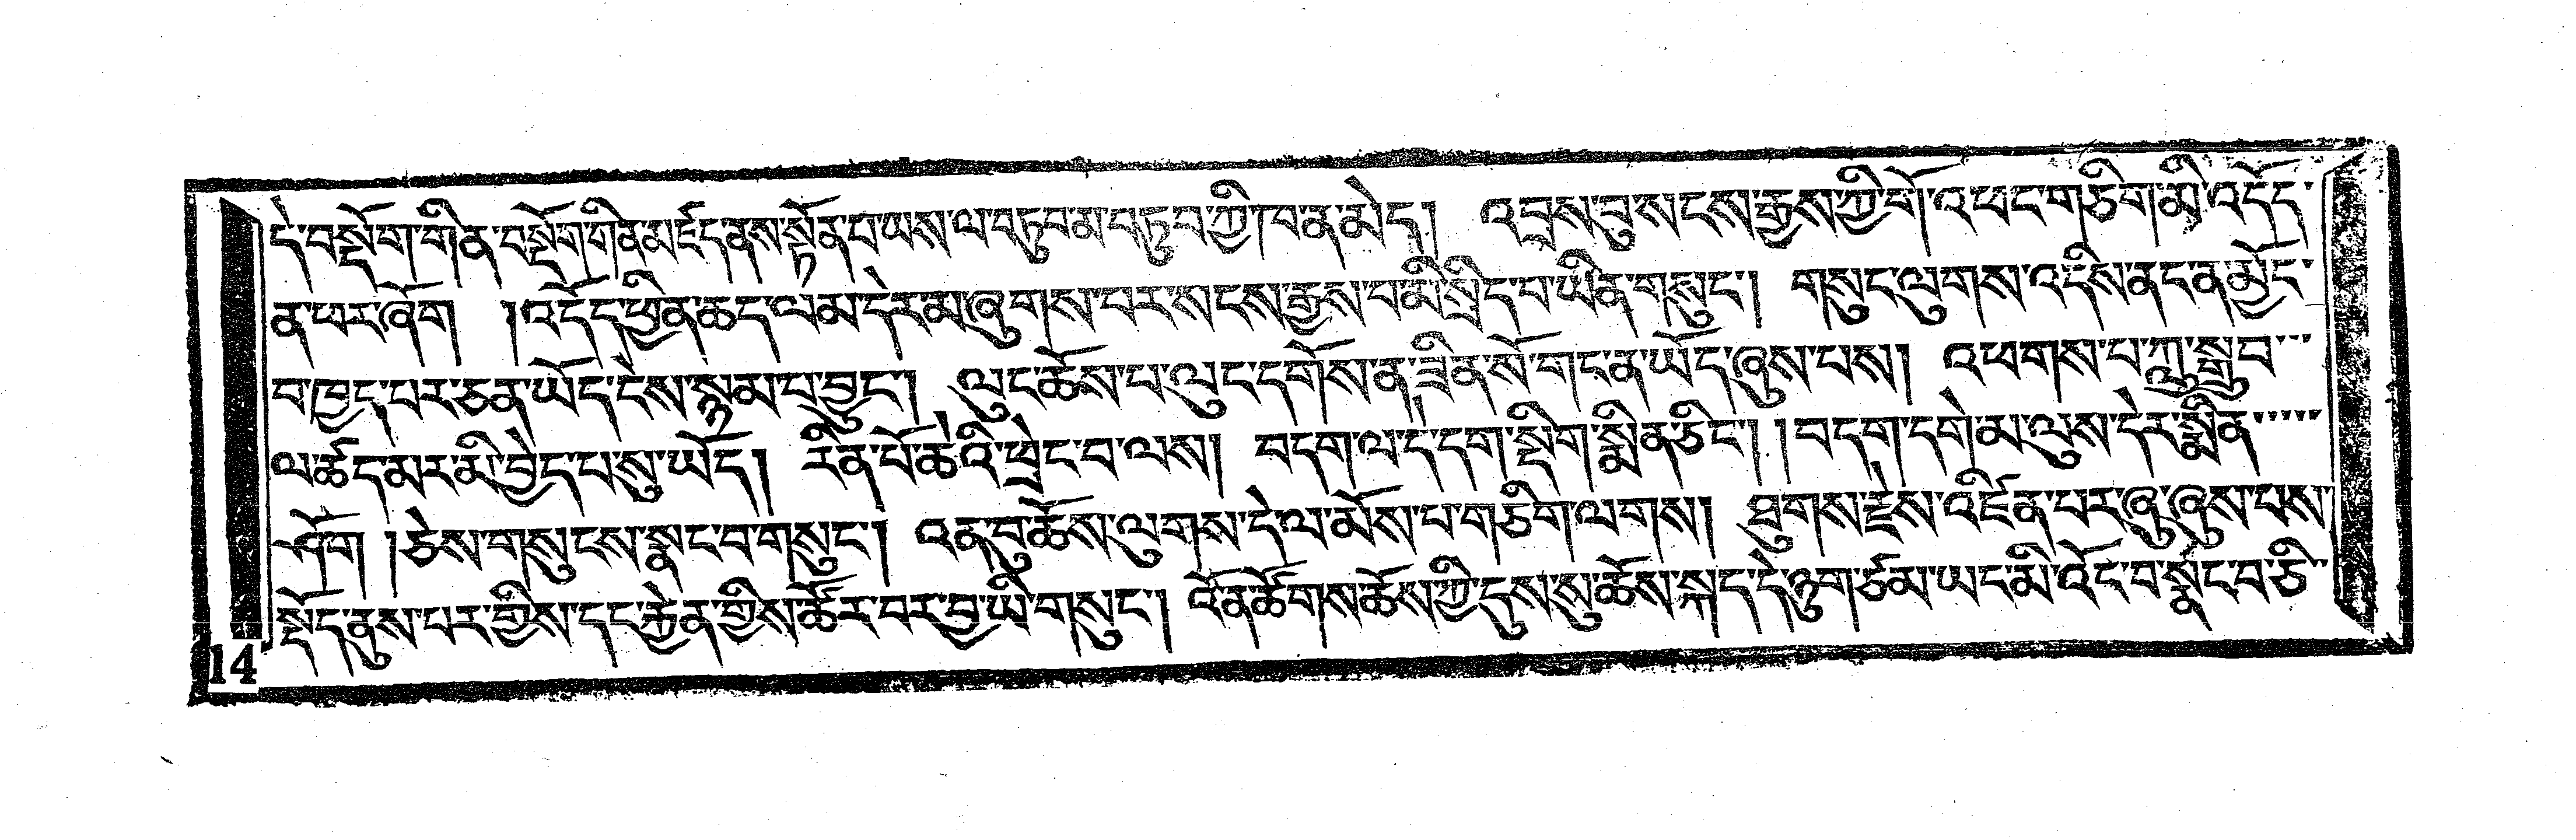དེ་བསྡོག་གིན་བསྡོག་གིན་མཛད་ནས་སྟོན་པ་ཡས་ལ་བཏུབ་མ་བཏུབ་ཀྱི་ཁ་ན་མེད། འབྲས་བུ་སངས་རྒྱས་ཀྱི་གོ་འཕང་གཅིག་མི་འདོད་
ན་ཕར་ཞོག །འདོད་ཕྱིན་ཆད་ལམ་དེར་མ་ཞུགས་པར་སངས་རྒྱས་པ་མི་སྲིད་པ་ཡིན་གསུང་། གསུང་ལུགས་འདིས་ནང་ན་མྱོང་
བ་ཁྱད་པར་ཅན་ཡོད་ངེས་སྙམ་པ་བྱུང་། ལུང་ཆོས་པ་ལུང་དགོས་ན་ཟིན་སོ་གང་ན་ཡོད་ཞུས་པས། འཕགས་པ་ཀླུ་སྒྲུབ་
ལ་ཚད་མར་མི་བྱེད་པ་སུ་ཡོད། རིན་པོ་ཆེའི་ཕྲེང་བ་ལས། བདག་ལ་དེ་དག་སྡིག་སྨིན་ཅིང་། །བདག་དགེ་མ་ལུས་དེར་སྨིན་
ཤོག །ཅེས་གསུངས་སྣང་བ་གསུང་། འན་བུ་ཆོས་ལུགས་དེ་ལ་མོས་པ་གཅིག་ལགས། ཐུགས་རྗེས་འཛིན་པར་ཞུ་ཞུས་པས་
སྡོད་ནུས་པར་གྱིས་དང་རྐྱེན་གྱིས་ཚོར་བར་བྱ་ཡི་གསུང་། འོ་ན་ཚོགས་ཆོས་ཀྱི་དུས་སུ་ཆོས་སྐད་དེ་ཉུག་ཙམ་ཡང་མི་འོང་བ་སྣང་བ་ཅི་